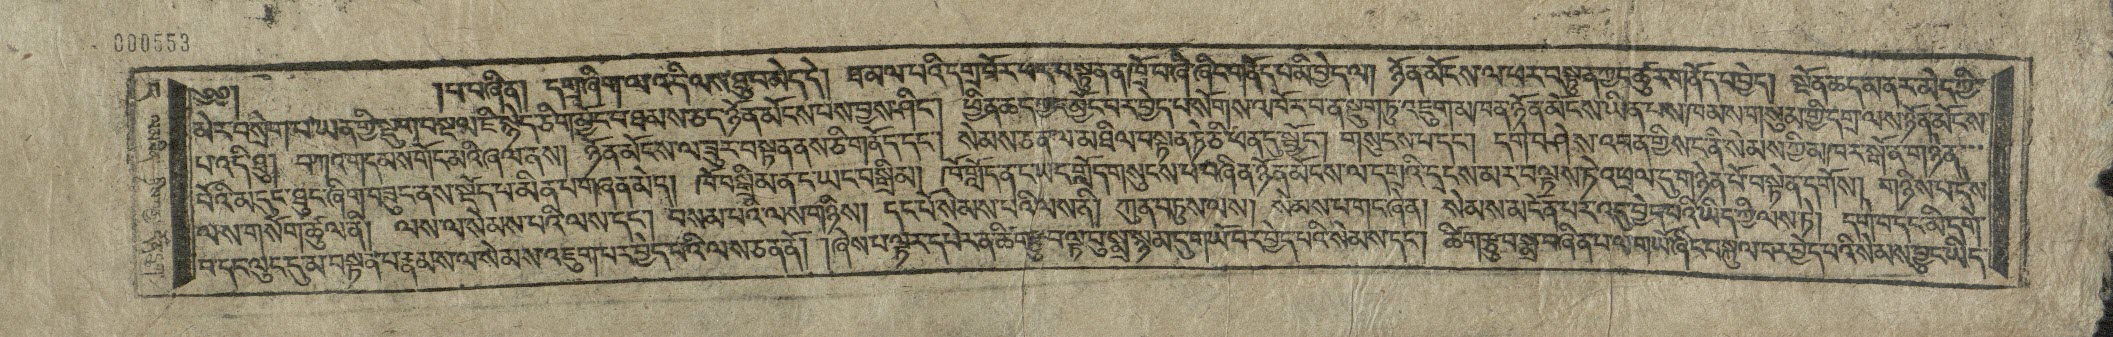༄༅། །པ་བཞིན། དགྲ་ཞིག་ལ་འདི་ལས་ཐུ་བ་མེད་དེ། ཐ་མལ་པའི་དགྲ་བོར་ཕར་བསྟུན་ན་ཁྲོ་བ་ཞི་ཞིང་གནོད་པ་མི་བྱེད་ལ། ཉོན་མོངས་ལ་ཕར་བསྟུན་ཀྱང་ཚུར་གནོད་པ་བྱེད། སྔོན་ཆད་མནར་མེད་ཀྱི་
མེར་བསྲེག་པ་ཡན་གྱི་སྡུག་བསྔལ་ཇི་སྙེད་ཅིག་མྱོང་བ་ཐམས་ཅད་ཉོན་མོངས་པས་བྱས་ཤིང་། ཕྱིན་ཆད་ཀྱང་མྱོང་བར་བྱེད་པ་སོགས་འཁོར་བ་ན་སྡུག་ཏུ་འཇུག་མཁན་ཉོན་མོངས་ཡིན་པས་ཁམས་གསུམ་གྱི་དགྲ་ལས་ཉོན་མོངས་
པ་འདི་ཐུ། བཀའ་གདམས་གོང་མའི་ཞལ་ནས། ཉོན་མོངས་ལ་ཟུར་བསྟན་ནས་ཅི་གནོད་དང་། སེམས་ཅན་ལ་མཐིལ་བསྟན་ཏེ་ཅི་ཕན་དུ་སྦྱོང་། གསུངས་པ་དང་། དགེ་བཤེས་འབན་གྱིས་ང་ནི་སེམས་ཀྱི་མཁར་སྒོ་ན་གཉེན་
པོའི་མདུང་ཐུང་ཞིག་བཟུང་ནས་སྡོད་པ་མིན་པ་གཞན་མེད། ཁོ་བསྒྲིམ་ན་ང་ཡང་བསྒྲིམ། ཁོ་གློད་ན་ང་ཡང་གློད་གསུངས་པ་བཞིན་ཉོན་མོངས་ལ་དགྲའི་དྲངས་མར་བལྟས་ཏེ་འཕྲལ་དུ་གཉེན་པོ་བསྟེན་དགོས། གཉིས་པ་དེས་
ལས་གསོག་ཚུལ་ནི། ལས་ལ་སེམས་པའི་ལས་དང་། བསམ་པའི་ལས་གཉིས། དང་པོ་སེམས་པའི་ལས་ནི། ཀུན་བཏུས་ལས། སེམས་པ་གང་ཞེ་ན། སེམས་མངོན་པར་འདུ་བྱེད་པའི་ཡིད་ཀྱི་ལས་ཏེ། དགེ་བ་དང་མི་དགེ་
བ་དང་ལུང་དུ་མ་བསྟན་པ་རྣམས་ལ་སེམས་འཇུག་པར་བྱེད་པའི་ལས་ཅན་ནོ། །ཞེས་པ་ལྟར་དཔེར་ན་ཚིག་རྩུབ་ལྟ་བུ་སྨྲ་སྙམ་དུ་གཡོ་བར་བྱེད་པའི་སེམས་དང་། ཚིག་རྩུབ་སྨྲ་བཞིན་པ་ལ་གཡོ་ཞིང་བསྐུལ་བར་བྱེད་པའི་སེམས་བྱུང་ཡིད་